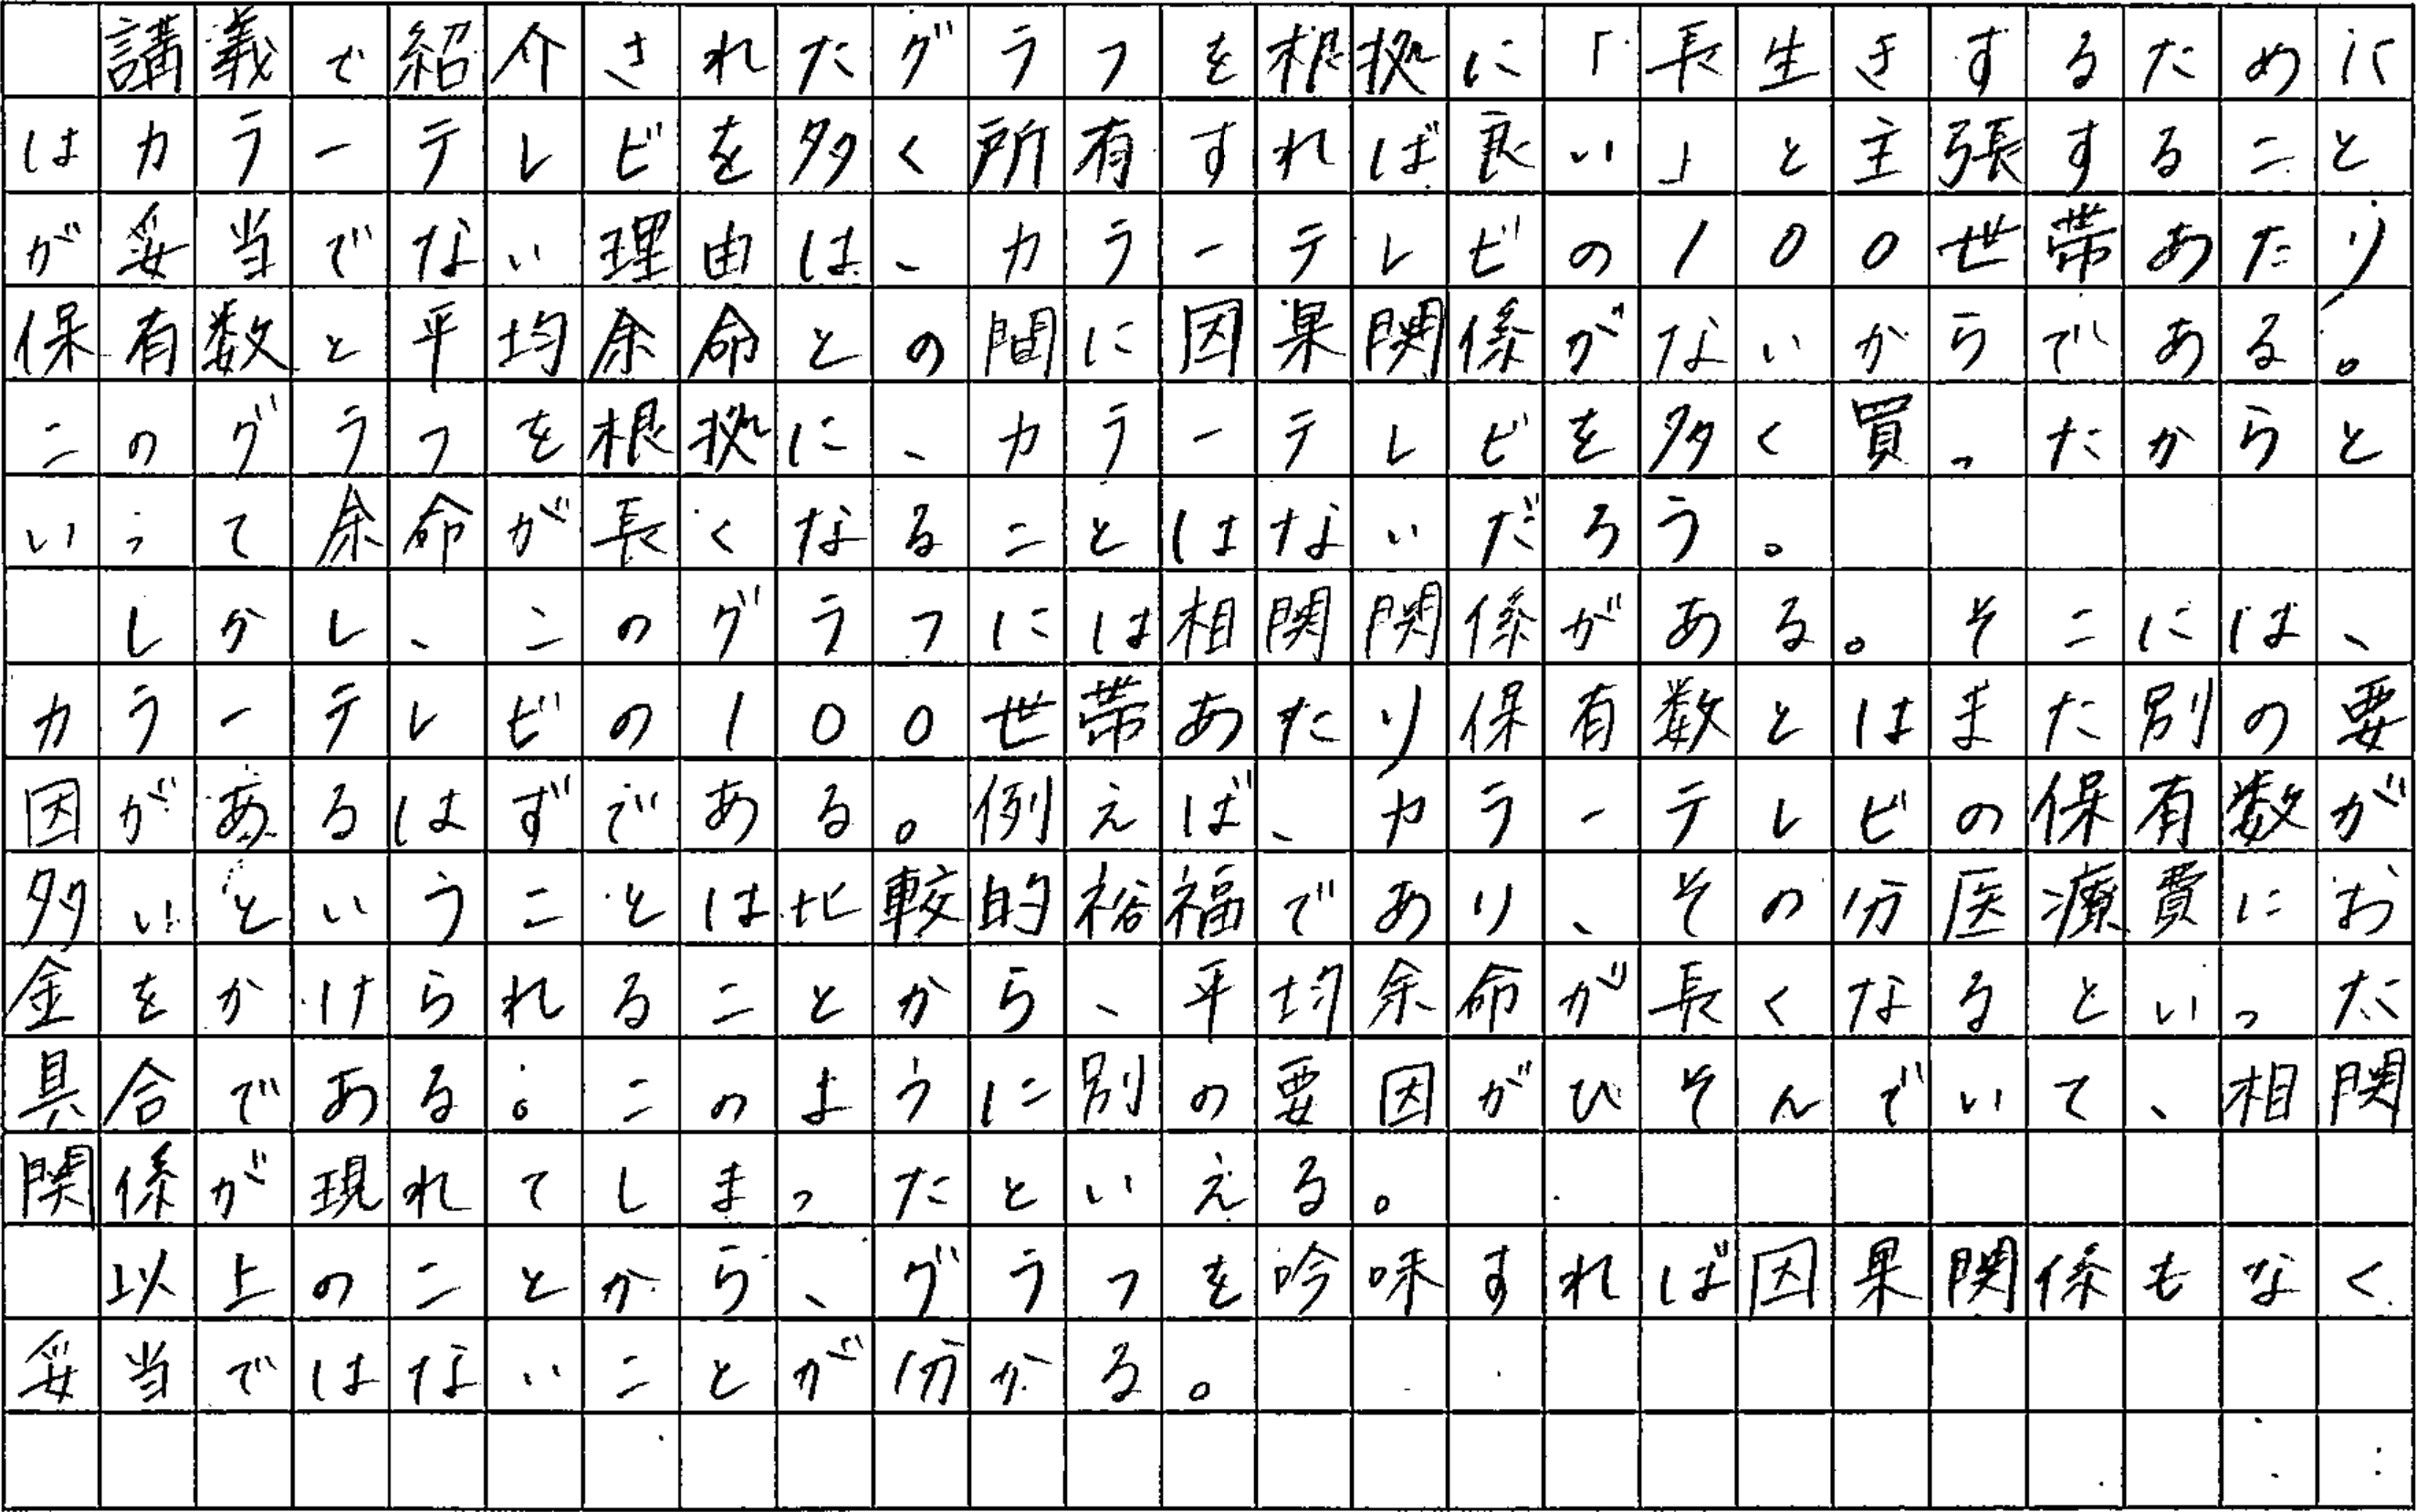　講義で紹介されたグラフを根拠に「長生きするためにはカラーテレビを多く所有すれば良い」と主張することが妥当でない理由は、カラーテレビの１００世帯あたり保有数と平均余命との間に因果関係がないからである。このグラフを根拠に、カラーテレビを多く買ったからといって余命が長くなることはないだろう。
　しかし、このグラフには相関関係がある。そこには、カラーテレビの１００世帯あたり保有数とはまた別の要因があるはずである。例えば、カラーテレビの保有数が多いということは比較的裕福であり、その分医療費にお金をかけられることから、平均余命が長くなるといった具合である。このように別の要因がひそんでいて、相関関係が現れてしまったといえる。
　以上のことから、グラフを吟味すれば因果関係もなく妥当ではないことが分かる。
